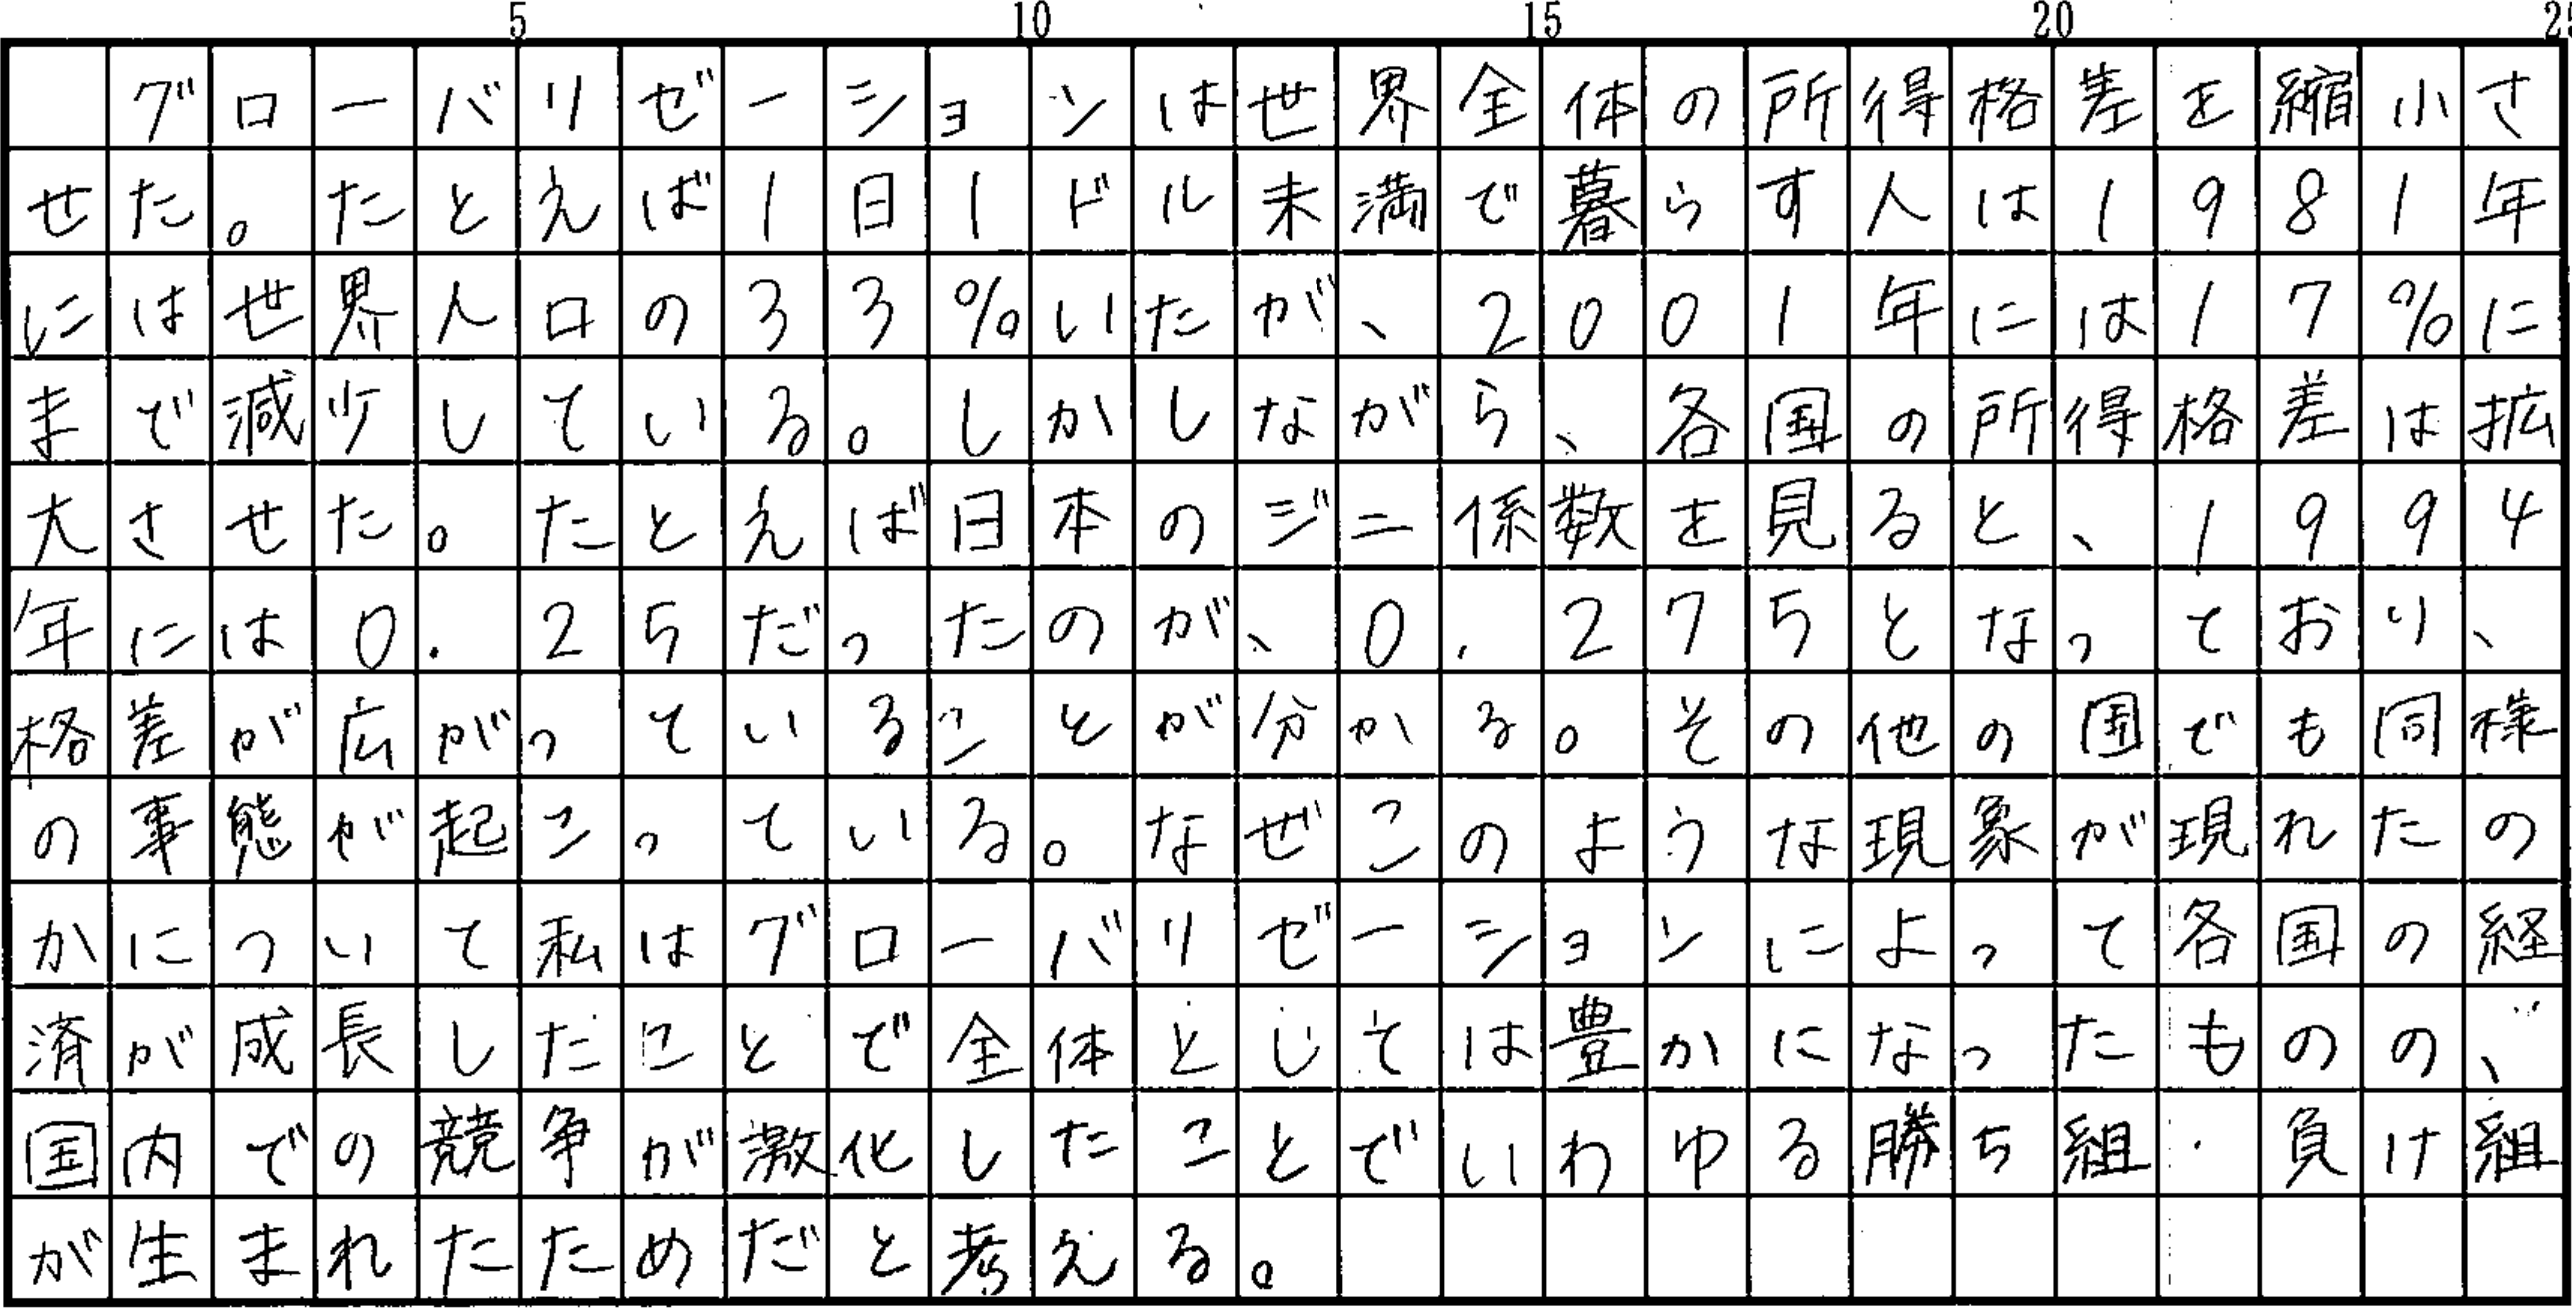　グローバリゼーションは世界全体の所得格差を縮小させた。たとえば１日１ドル未満で暮らす人は１９８１年には世界人口の３３％いたが、２００１年には１７％にまで減少している。しかしながら、各国の所得格差は拡大させた。たとえば日本のジニ係数を見ると、１９９４年には０．２５だったのが、０．２７５となっており、格差が広がっていることが分かる。その他の国でも同様の事態が起こっている。なぜこのような現象が現れたのかについて私はグローバリゼーションによって各国の経済が成長したことで全体としては豊かになったものの、国内での競争が激化したことでいわゆる勝ち組・負け組が生まれたためだと考える。
